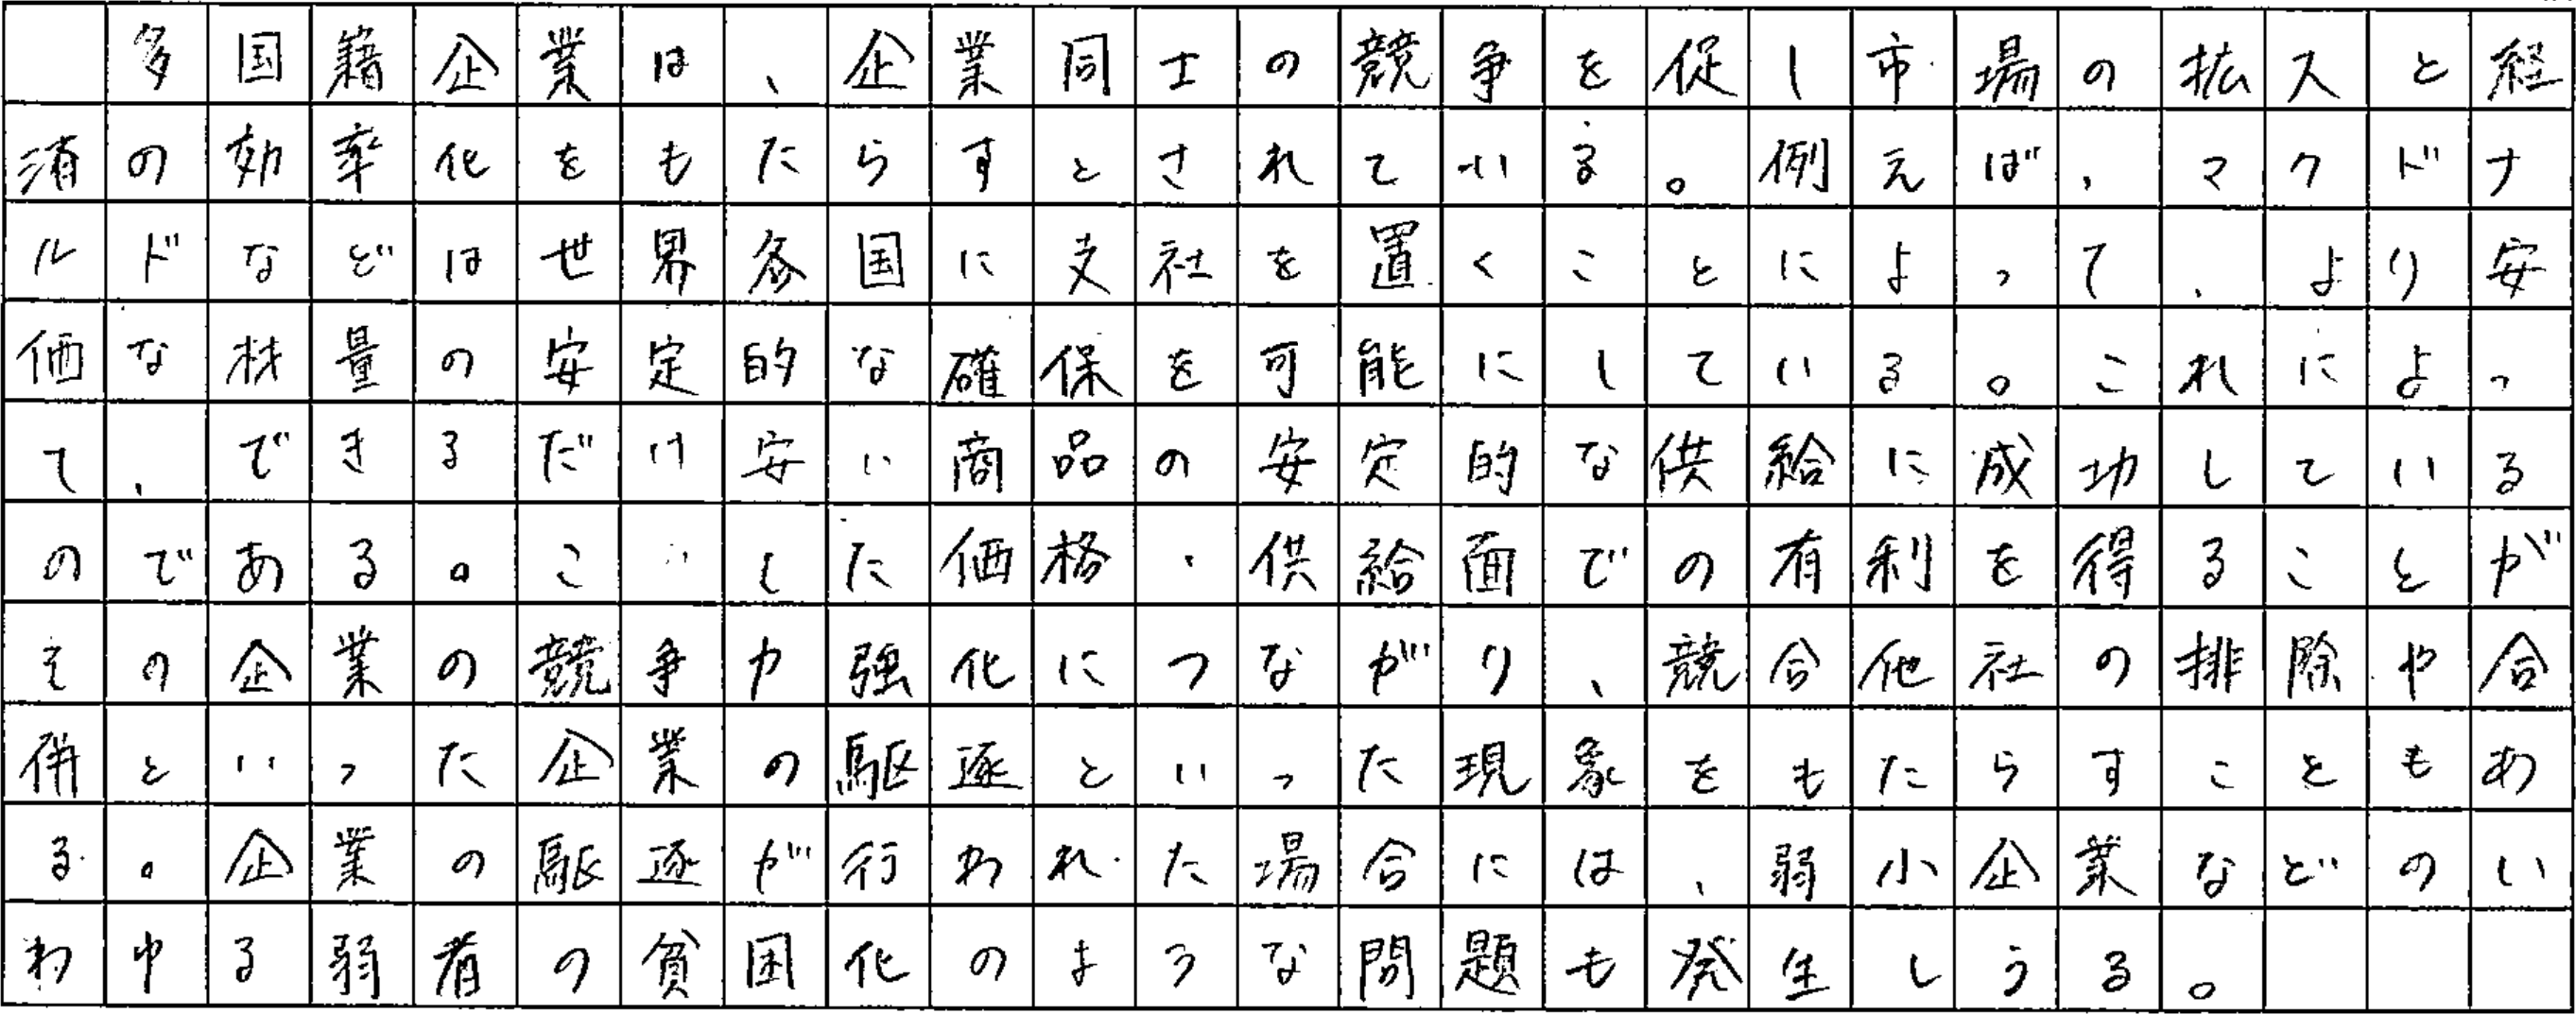　多国籍企業は、企業同士の競争を促し市場の拡大と経済の効率化をもたらすとされている。例えば、マクドナルドなどは世界各国に支社を置くことによって、より安価な材量の安定的な確保を可能にしている。これによって、できるだけ安い商品の安定的な供給に成功しているのである。こうした価格・供給面での有利を得ることがその企業の競争力強化につながり、競合他社の排除や合併といった企業の駆逐といった現象をもたらすこともある。企業の駆逐が行われた場合には、弱小企業などのいわゆる弱者の貧困化のような問題も発生しうる。
